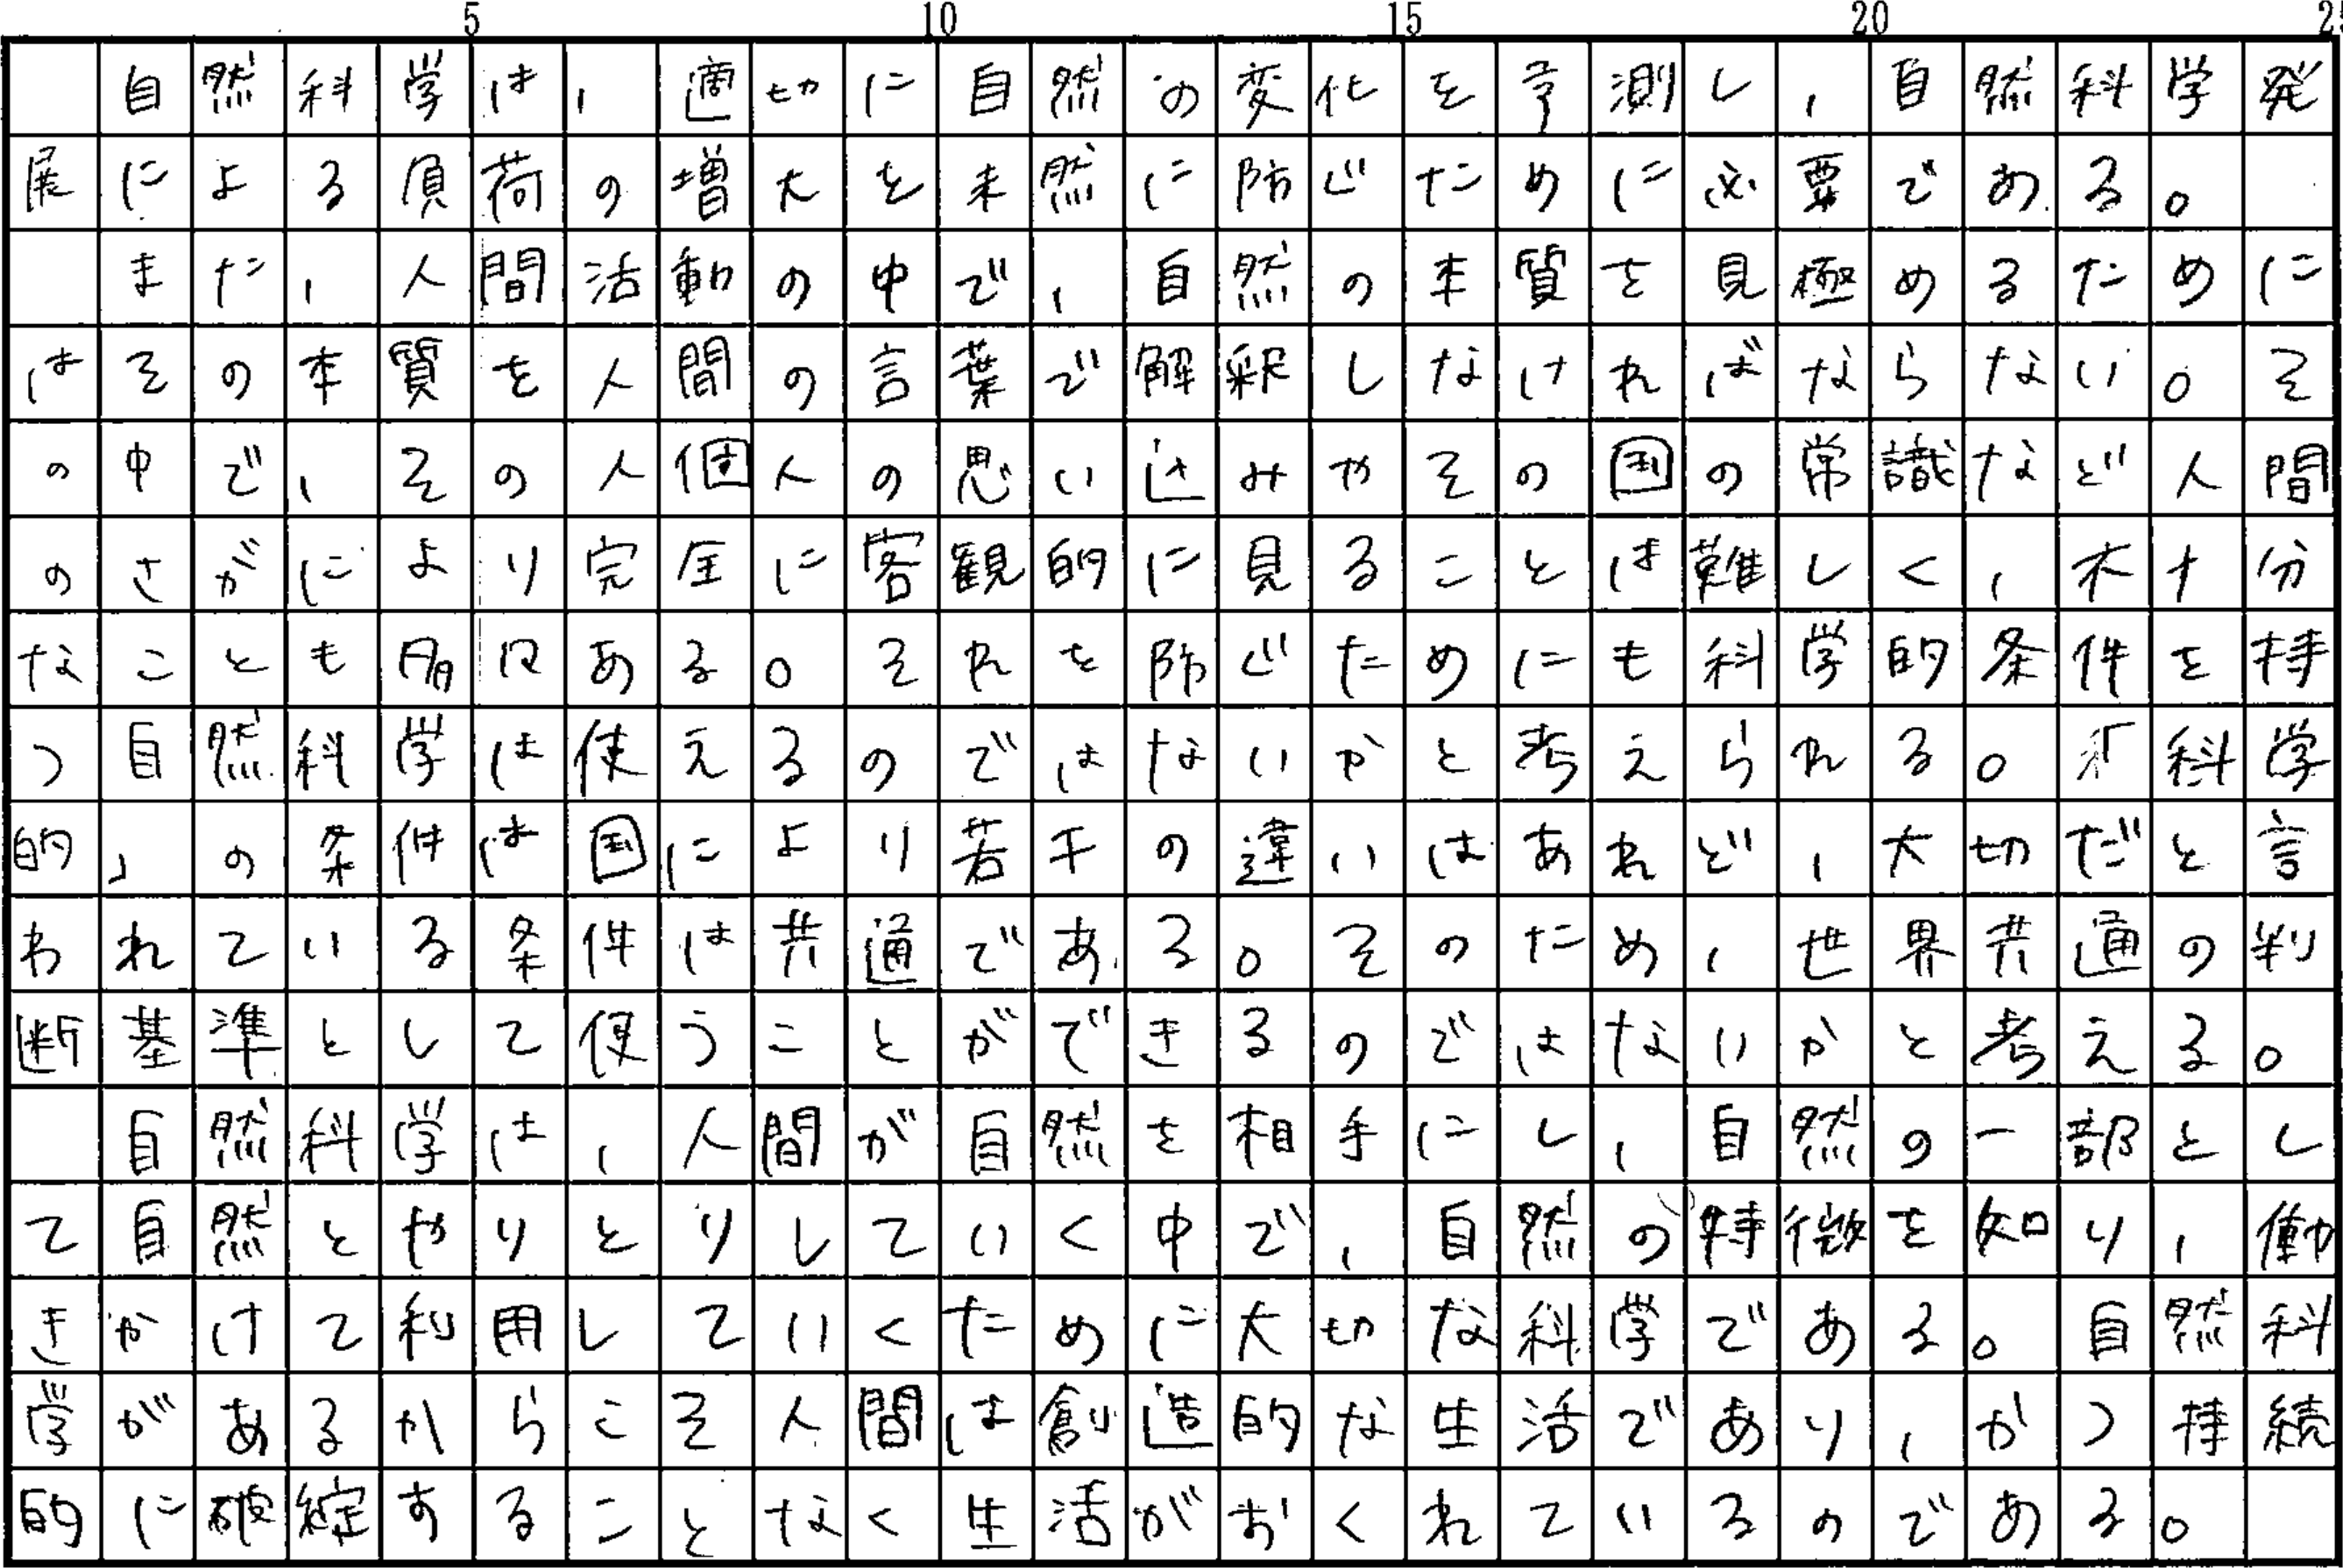　自然科学は、適切に自然の変化を予測し、自然科学発展による負荷の増大を未然に防ぐために必要である。
　また、人間活動の中で、自然の本質を見極めるためにはその本質を人間の言葉で解釈しなければならない。その中で、その人個人の思い込みやその国の常識など人間のさがにより完全に客観的に見ることは難しく、不十分なことも多々ある。それを防ぐためにも科学的条件を持つ自然科学は使えるのではないかと考えられる。「科学的」の条件は国により若干の違いはあれど、大切だと言われている条件は共通である。そのため、世界共通の判断基準として使うことができるのではないかと考える。
　自然科学は、人間が自然を相手にし、自然の一部として自然とやりとりしていく中で、自然の特微を知り、働きかけて利用していくために大切な科学である。自然科学があるからこそ人間は創造的な生活であり、かつ持続的に破綻することなく生活がおくれているのである。
